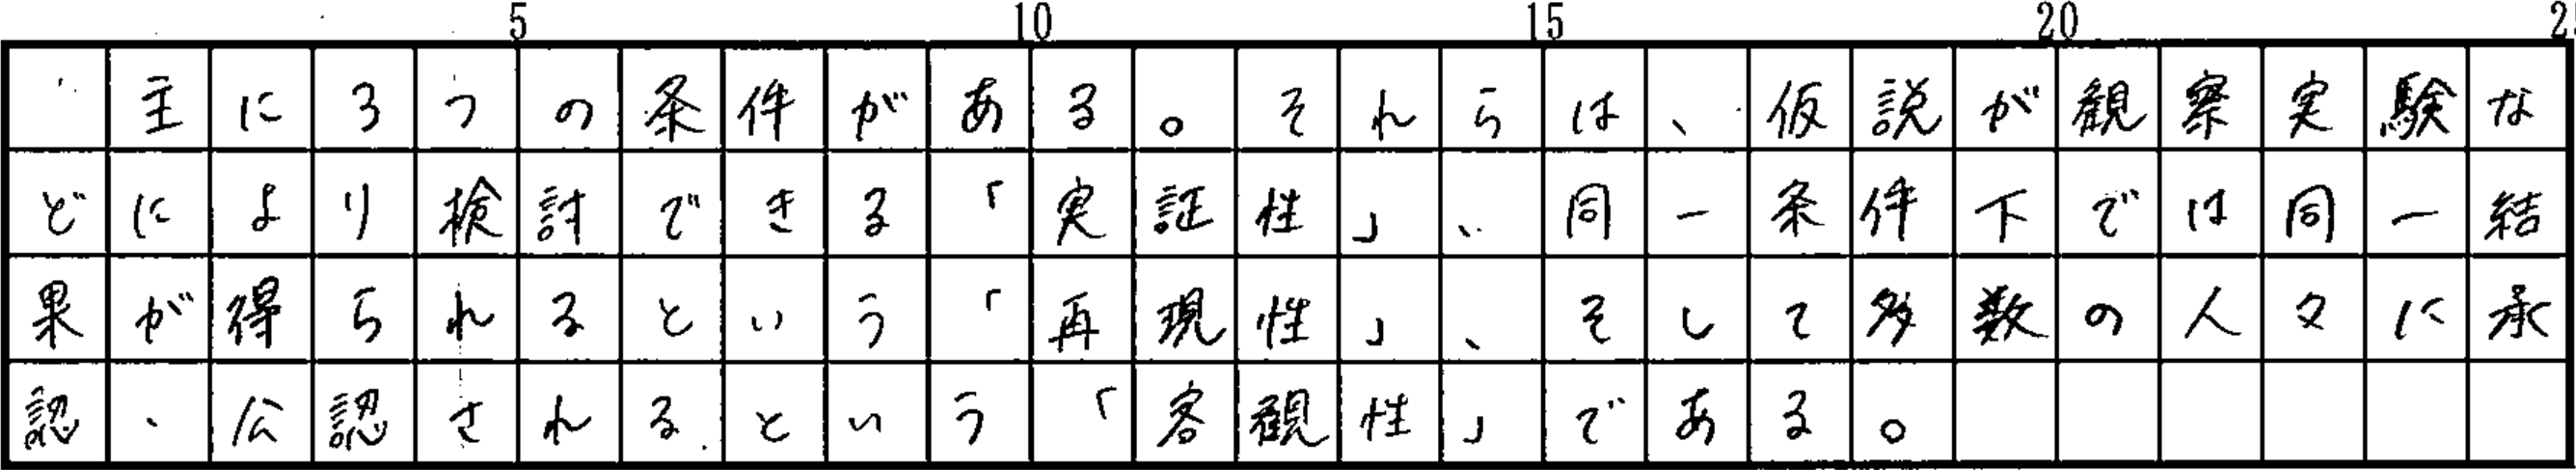　主に３つの条件がある。それらは、仮説が観察実験などにより検討できる「実証性」、同一条件下では同一結果が得られるという「再現性」、そして多数の人々に承認・公認されるという「客観性」である。
